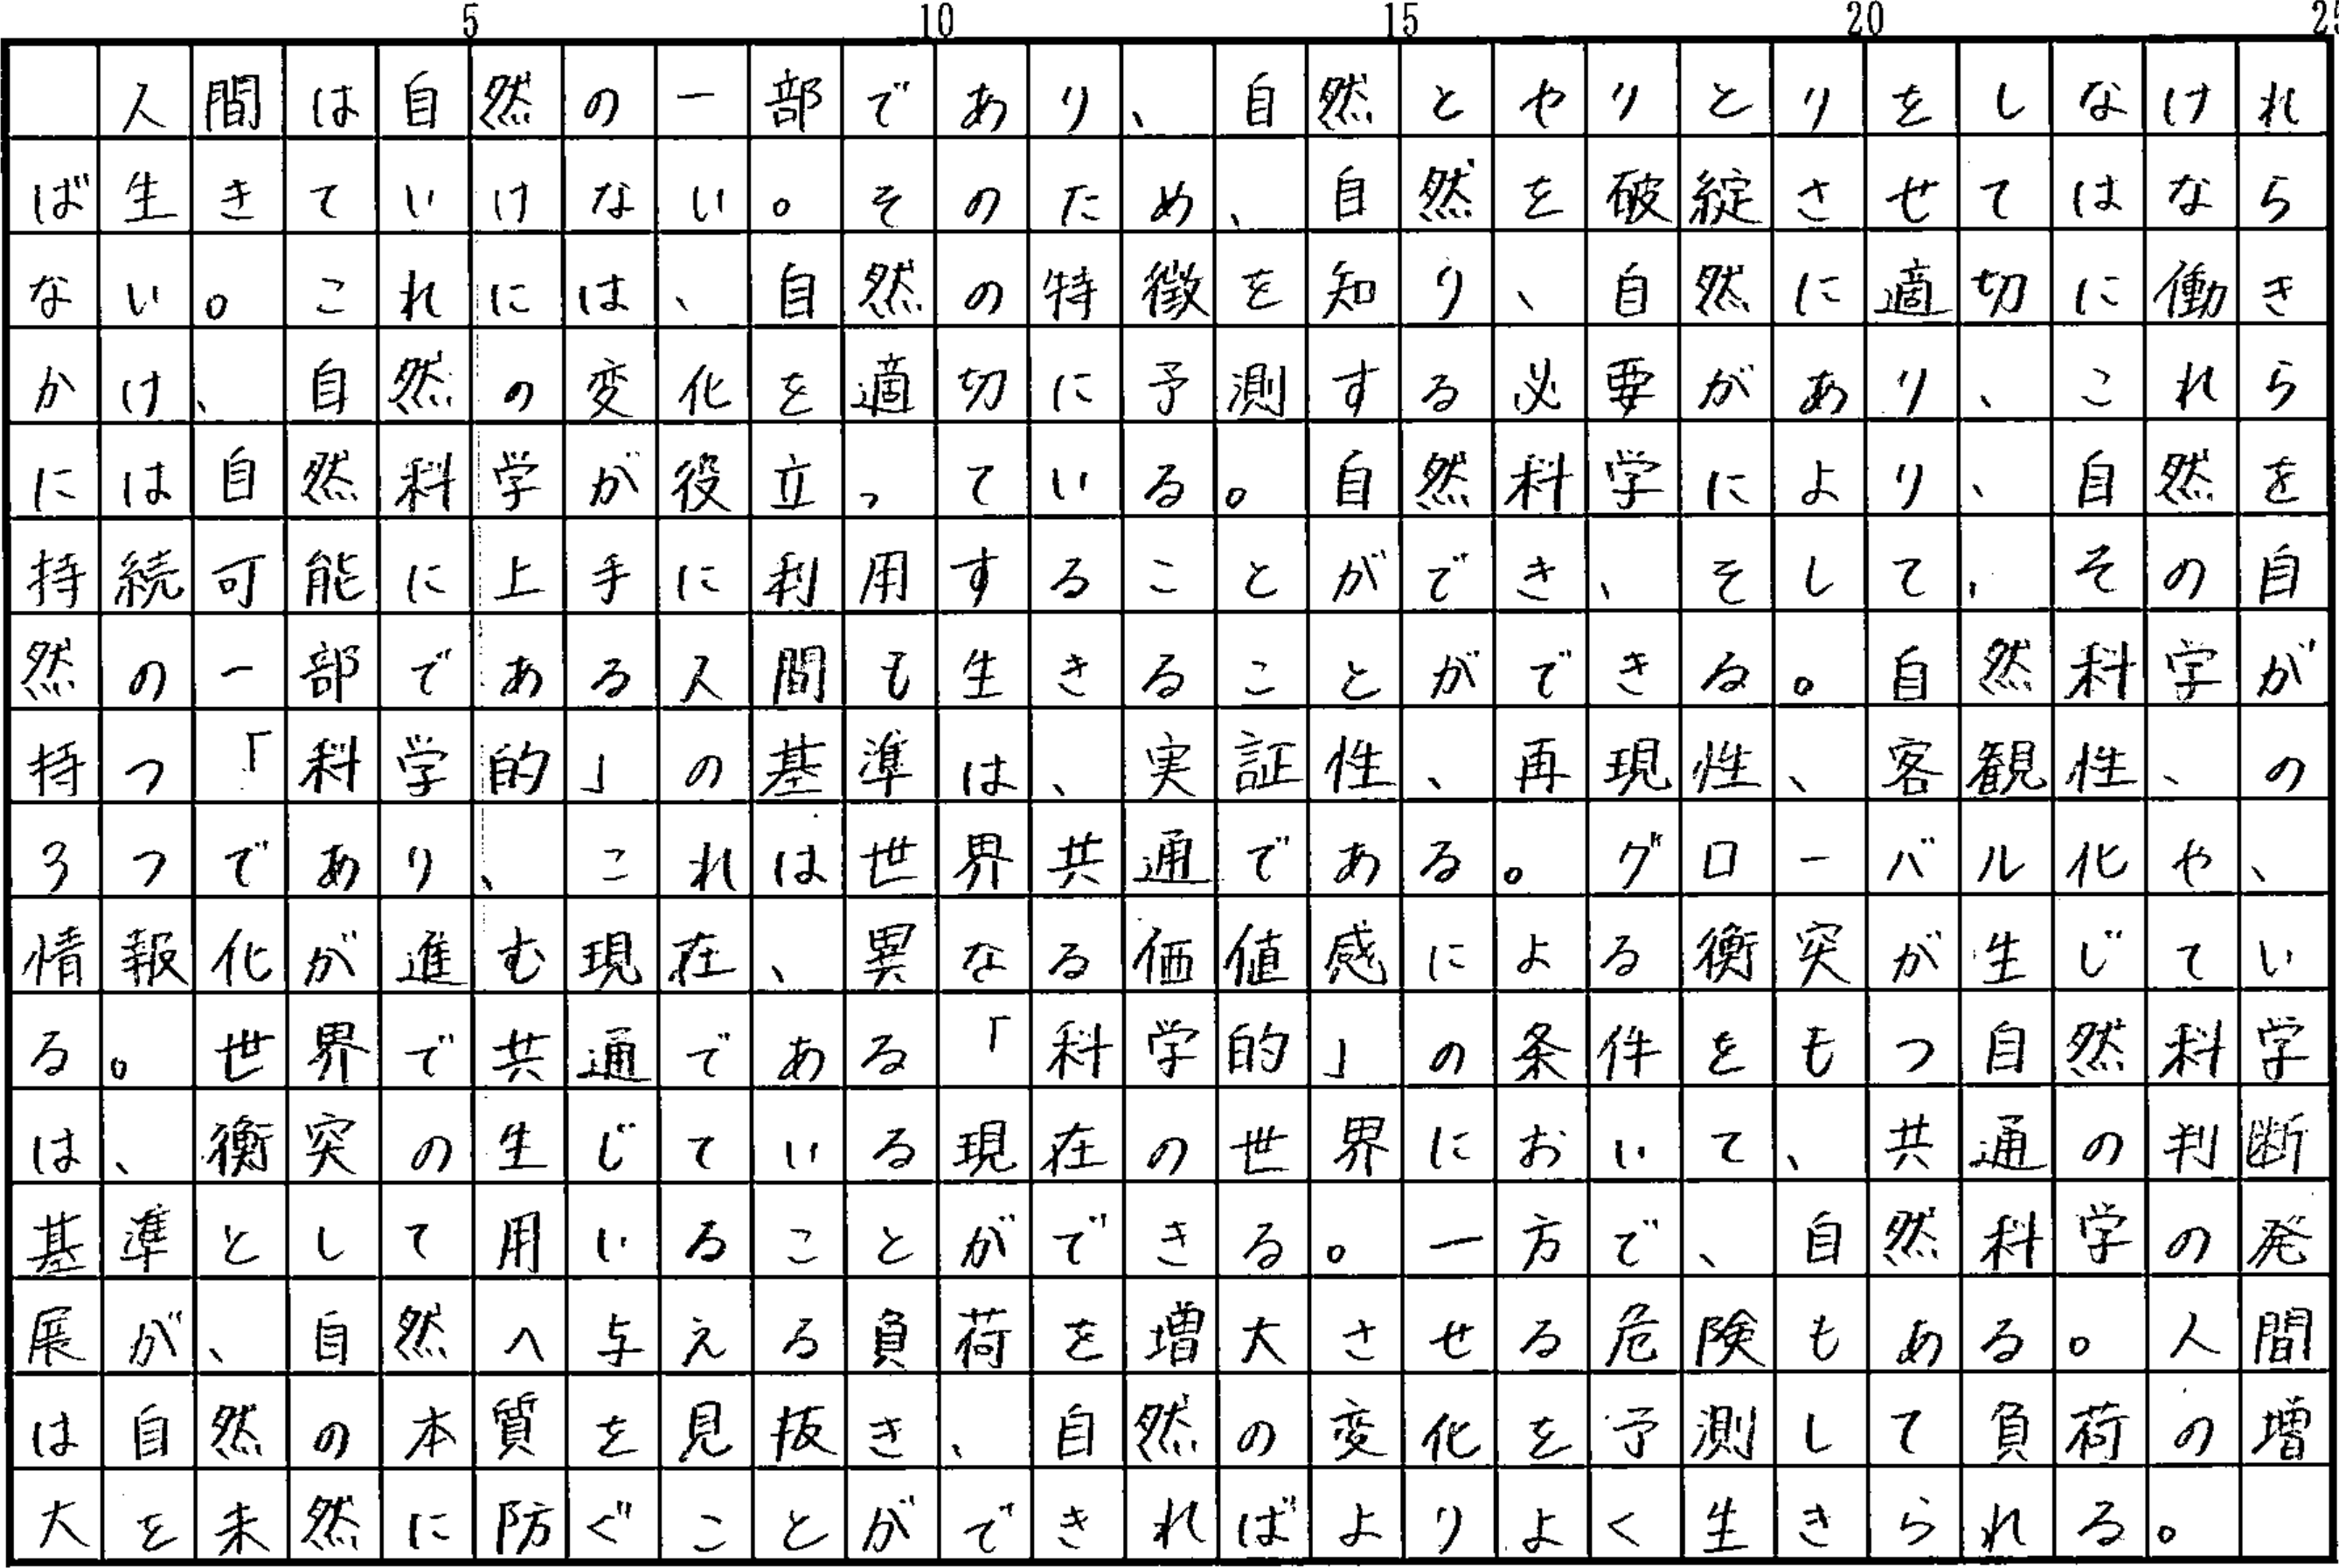　人間は自然の一部であり、自然とやりとりをしなければ生きていけない。そのため、自然を破綻させてはならない。これには、自然の特徴を知り、自然に適切に働きかけ、自然の変化を適切に予測する必要があり、これらには自然科学が役立っている。自然科学により、自然を持続可能に上手に利用することができ、そして、その自然の一部である人間も生きることができる。自然科学が持つ「科学的」の基準は、実証性、再現性、客観性、の３つであり、これは世界共通である。グローバル化や、情報化が進む現在、異なる価値感による衡突が生じている。世界で共通である「科学的」の条件をもつ自然科学は、衡突の生じている現在の世界において、共通の判断基準として用いることができる。一方で、自然科学の発展が、自然へ与える負荷を増大させる危険もある。人間は自然の本質を見抜き、自然の変化を予測して負荷の増大を未然に防ぐことができればよりよく生きられる。
